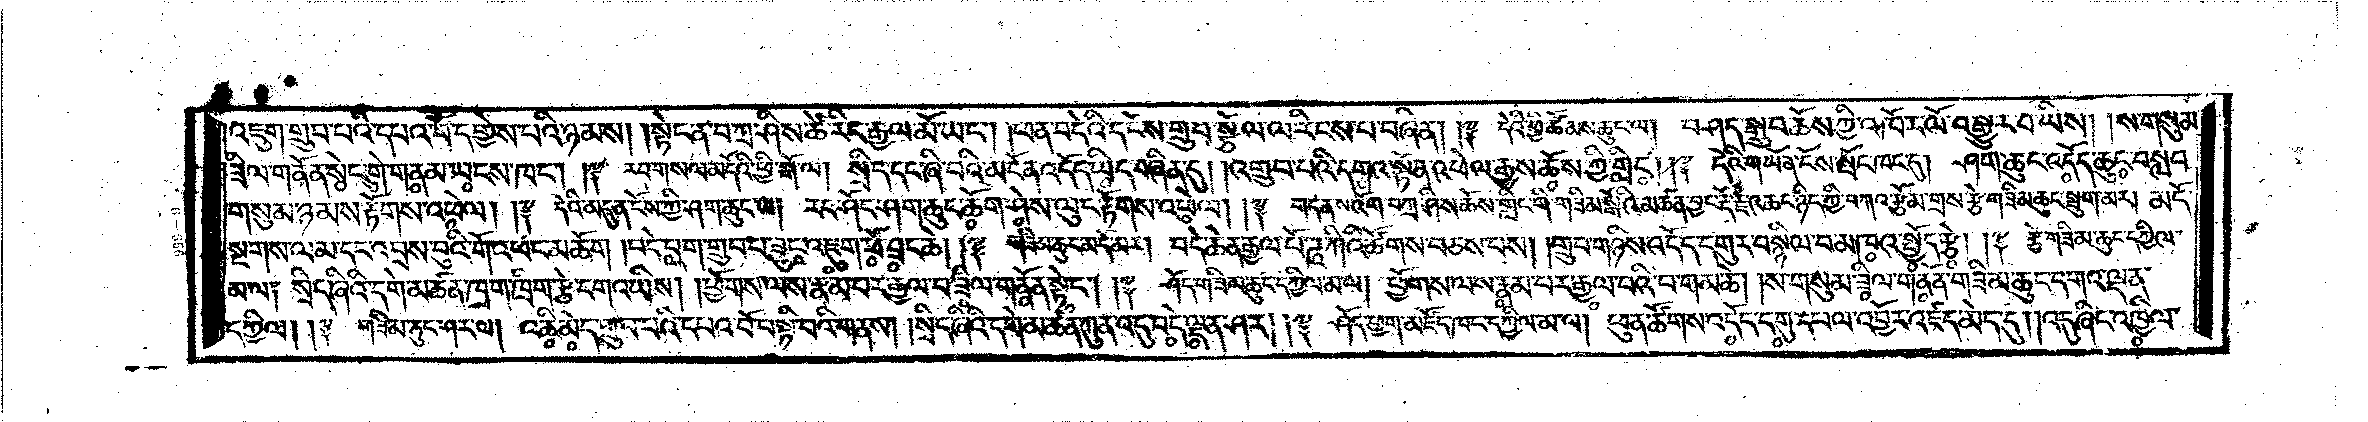འཇུག་གྲུབ་པའི་དཔའ་བོ་དགྱེས་པའི་ཉམས། །སྟེང་ན་བཀྲ་ཤིས་ཚེ་རིང་རྒྱལ་མོ་ཡང་། །ཕན་བདེའི་དངོས་གྲུབ་སྩོལ་ལ་རིངས་པ་བཞིན། །༈ དེའི་གྱི་ཚོམས་ཆུང་ལ།  བཤད་སྒྲུབ་ཆོས་ཀྱི་འཁོར་ལོ་བསྒྱུར་བ་ཡིས། །ས་གསུམ་
ཟིལ་གནོན་སེང྾་གེ྾་གནམ྾་ཡངས྾་ཁང་། །༈ རབ་གསལ་མདོའི་ཕྱི་སྒོ་ལ།  སྲིད་དང་ཞི་བའི་མངོན་འདོད་ཡིད྾་བཞིན་དུ། །འགྲུབ་པའི་དགའ྾་སྟོན་འཕེལ་རྒྱས་ཆོས་ཀྱི་གླིང྾། །༈ དེའི་གཡོན་ངོས་སྤོང་ཁང་དུ།  ཤག་ཆུང་འདོད྾་ཆུང྾་བསླབ་
གསུམ་ཉམས་རྟོགས་འཕེལ྾། །༈ དེའི་མདུན་ངོས་ཀྱི་ཤག་ཆུང་ལ།  རང་ཤོང་ཤག་ཆུང་ཆོག྾་ཤེས྾་ལུང་རྟོགས་འཕེལ྾། །༈ གདན་ས་འོག་བཀྲ་ཤིས་ཆོས་གླིང་གི་གཟིམ་སྒོའི་མཚན་བྱང་རྡོ་རྗེ་འཆང་ཉིད་ཀྱི་བཀའ་རྩོམ་གྲང་རྩེ་གཟིམ་ཆུང་སྦུག་མར།  མདོ་
སྔགས་ལམ་དང་འབྲས་བུའི་གོ་འཕང་མཆོག །བདེ་བླག་གྲུབ་པ་ཟུང྾་འཇུག྾་ཕོ྾་བྲང྾་ཆེ། །༈ གཟིམ་ཆུང་མདོ་མར།  བདེ་ཆེན་རྒྱལ་པོ་ཌཱ་ཀིའི་ཚོགས་བཅས་པས། །གྲུང་གཉིས་འདོད་དགུར་བསྙིལ་བ་མཁའ྾་སྤྱོད྾་རྩེ྾། །༈ རྩེ་གཟིམ་ཆུང་དཀྱིལ་
མལ༑ སྲིད་ཞིའི་དགེ་མཚན་ཁྲག་ཁྲིག་རྩེ་དགའ་ཡིས། །ཕྱོགས་ལས་རྣམ་པར་རྒྱལ་བ་ཟིལ྾་གནོན྾་སྟེང་། །༈ ཤོད་གཟིམ་ཆུང་དཀྱིལ་མ་ལ།  ཕྱོགས་ལས་རྣམ྾་པར་རྒྱལ྾་བའི་བ་གམ་ཆེ། །ས་གསུམ་ཟིལ྾་གནོན྾་གཟིམ་ཆུང་དགའ་ལྡན་
དཀྱིལ། །༈ གཟིམ་ཆུང་ཤར་ལ།  འཆི྾་མེད྾་གྲུབ་པའི་དཔའ་བོ་བསྟི་བའི་གནས། །སྲིད་ཞིའི་དགེ་མཚན་ཀུན་འདུ་བདེ྾་ལྡན྾་ཤར། །༈ ཤོད་ཕྱག་མཛོད་ཁང་དཀྱིལ་མ་ལ།  ཕུན་ཚོགས་འདོད྾་དགུ྾་དཔལ་འབྱོར་འཛད་མེད་དུ། །འདུ་ཞིང་འཁྱིལ྾་